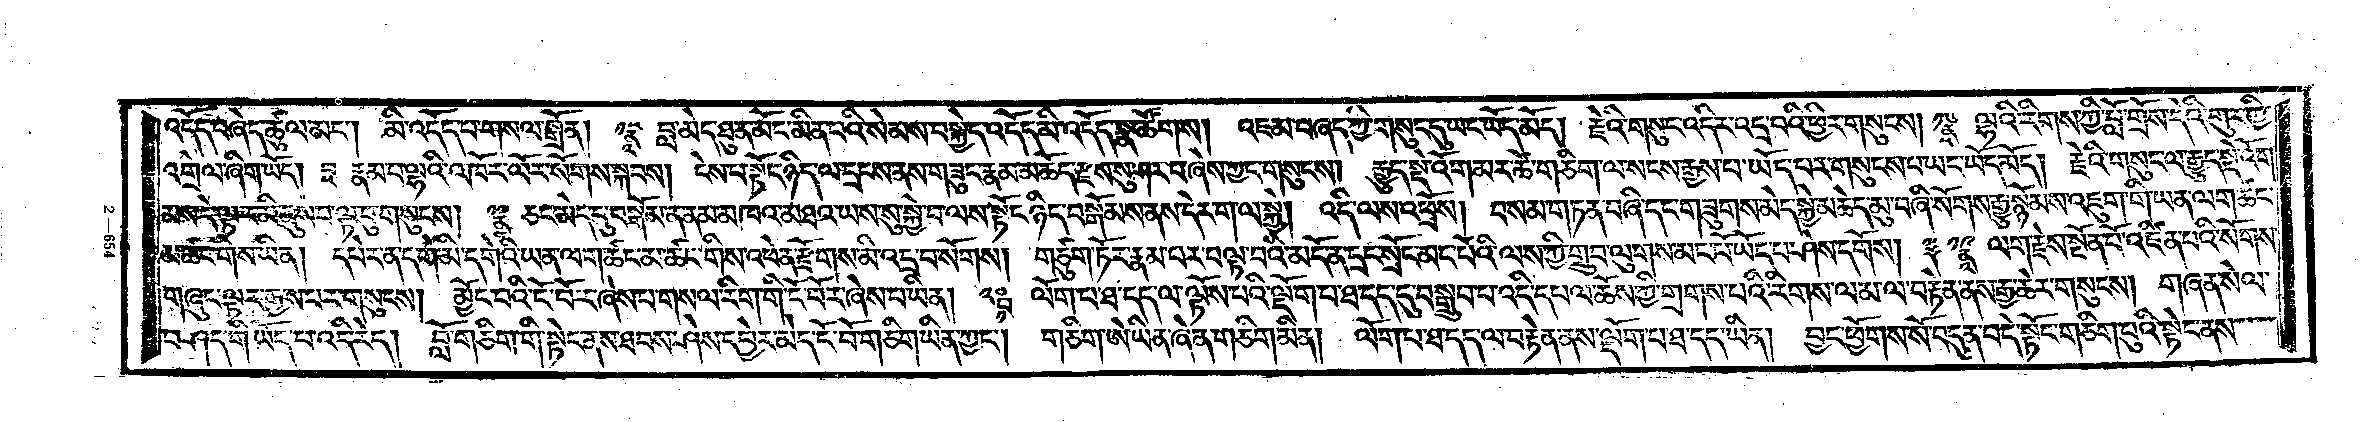འདོད་བཞེད་ཚུལ་མང་། མི་འདོད་བ་གསལ་སྒྲོན། ༡༤ན༢་བླ་མེད་ཐུན་མོང་མིན་བའི་སེམས་བསྐྱེད་འདོད་མི་འདོད་སྣ་ཚོགས། འཇམ་བཞད་ཀྱི་གསུང་དུ་ཡང་ཡོད་མོད། རྗེའི་གསུང་འདིར་འདྲ་བའི་ཕྱིར་གསུངས། ༡༦ན༥་ལྷའི་རིགས་ཀྱི་བློ་གྲོས་དེའི་གུར་གྱི་
འགྲེལ་ཞིག་ཡོད། བ༥་རྣམ་པ་ལྷའི་འཁོར་ལོར་སོགས་སྐབས། ངེས་པ་སྟོང་ཉིད་ལ་དྲངས་ནས་གཟུང་རྣམ་མཆོད་རྫས་སུ་ཤར་བ་ཞེས་ཀྱང་གསུངས། རྒྱུད་སྡེ་འོག་མར་ཚེ་གཅིག་ལ་སངས་རྒྱས་པ་ཡོད་བར་གསུངས་པ་ཡང་ཡོད་མོད། རྗེའི་གསུང་ལ་རྒྱུད་སྡེ་འོག་
པ་དེ་ལྟར་མི་ནུས་པ་ལྟ་བུ་གསུངས། ༡༡ན༤་ཅང་མེད་དུ་བསྒོམ་ན་ནམ་མཁའ་མཐའ་ཡས་སུ་སྐྱེ་བ་ལས་སྟོང་ཉིད་བསྒོམས་ནས་དེར་ག་ལ་སྐྱེ། འདི་ལས་འཕྲོས། བསམ་གཏན་བཞི་དང་གཟུགས་མེད་སྐྱེ་མཆེད་མུ་བཞི་སོགས་རྒྱུ་སྙོམས་འཇུག་གི་ཡན་ལག་ཚང་
ཚང་གིས་ཡིན། དཔེར་ན་དགེ་མི་དགེའི་ཡན་ལག་ཚང་མ་ཚང་གིས་འཕེན་རྫོགས་མི་འདྲ་བ་སོགས། གཙུག་ཏོར་རྣམ་པར་བལྟ་བའི་མདོ་ན་དྲང་སྲོང་མང་པོའི་ལས་ཀྱི་གྲུབ་ལུགས་མང་པོ་ཡོང་པ་ཤེས་དགོས། ༈ ༡༩ན༢་ལག་རྗེ་སྔོན་པོ་འཛིན་པའི་སོགས་
གཞུང་ལྟར་རྒྱས་པར་གསུངས། མྱོང་པའི་ངོ་བོར་ཞེས་པ་གསལ་རིག་གི་ངོ་བོར་ཞེས་པ་ཡིན། ༢༠བ༡་ལོག་པ་ཐ་དད་ལ་ལྟོས་པའི་ལྡོག་པ་ཐ་དད་དུ་བསྒྲུབ་པ་འདི་དཔལ་ཆོས་ཀྱི་གྲགས་པའི་རིགས་ལམ་ལ་བརྟེན་ནས་རྒྱ་ཆེར་གསུངས། གཞན་སེལ་
བཤད་གི་ཡོད་པ་འདི་རེད། བློ་གཅིག་གི་སྟེང་ནས་ཐབས་ཤེས་དབྱེར་མེད་ངོ་བོ་གཅིག་ཡིན་ཀྱང་། གཅིག་ཨེ་ཡིན་ཞེན་གཅིག་མིན། ལོག་པ་ཐ་དད་ལ་བརྟེན་ནས་ལྡོག་པ་ཐ་དད་ཡིན། བྱང་ཕྱོགས་སོ་བདུན་བདེ་སྟོང་གཅིག་བུའི་སྟེང་ནས་